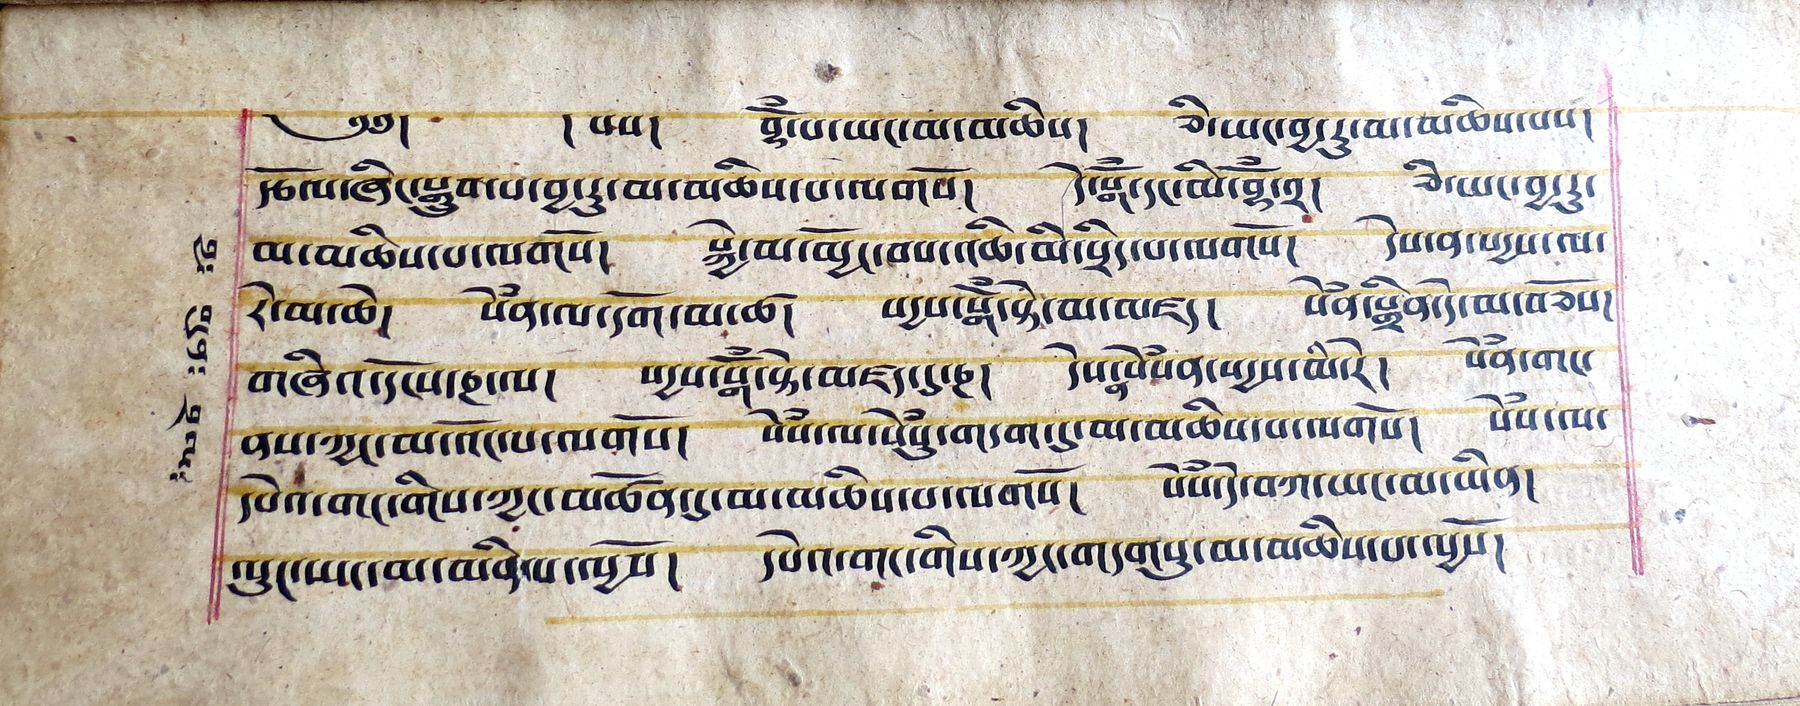པས། སྒོམ་པ་ཡང་མ་མཆིས་པ་ལགས་སོ། །ཅིས་ཀྱང་བྱ་རུ་མ་མཆིས་པས། 
རྩོལ་ཞིང་བསྒྲུབ་པ་བྱ་རུ་མ་མཆིས་པ་ལགས་སོ། །དེ་སྒོམ་དང་མི་སྒོམ་གཉིས། ཅི་ཡང་བྱ་རུ་
མ་མཆིས་པ་ལགས་སོ། །སྐྱེ་མ་མྱོང་པས་འཆི་མི་སྲིད་པ་ལགས་སོ། །དེས་ན་སངས་རྒྱས་ལ་
རེ་མ་ཆེ། སེམས་ཅན་ལ་དོགས་མ་ཚ། སངས་རྒྱས་སྒམ་སྟེ་མ་མཛད། སེམས་ཅན་སྒྲིན་ཏེ་མ་བཅོས། 
གཞི་དངོས་མེད་ལ། སངས་རྒྱས་སྒམ་སྟེ་མཛད་དུ་མེད། དེས་ན་སེམས་ལ་སངས་རྒྱས་མི་རེ། སེམས་ནི་གང་
ནས་ཀྱང་མ་འོངས་པ་ལགས་སོ། །སེམས་ལ་སེམས་སུ་གདགས་སུ་མ་མཆིས་པ་ལགས་སོ། །སེམས་ལ་
དཔེ་གང་གིས་ཀྱང་མཚོན་དུ་མེད་པ་ལགས་སོ། །སེམས་དེ་བཀའ་ཡང་མ་ཡིན། 
ལུང་ཡང་མ་ཡིན། དཔེ་གང་གིས་ཀྱང་གདགས་སུ་མ་མཆིས་པ་ལགས་སོ། །